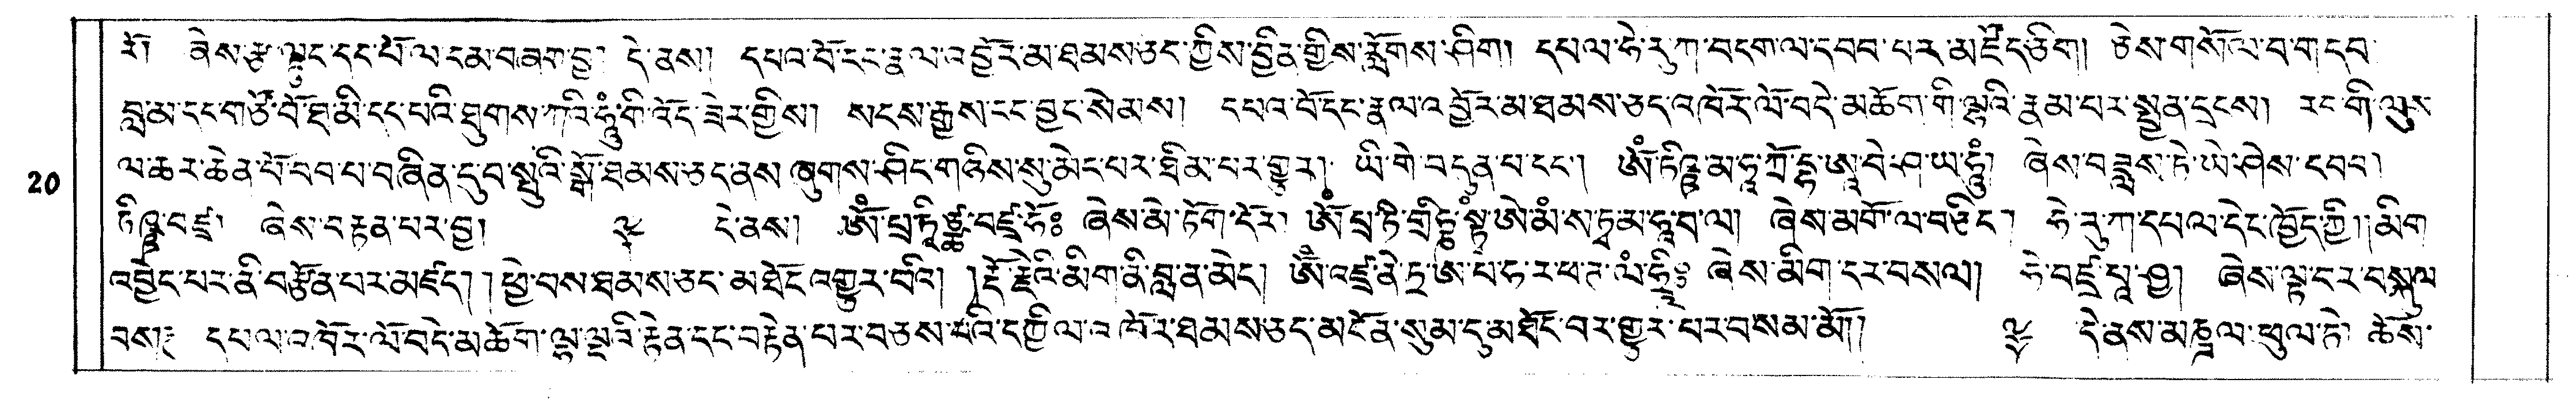རོ། ཞེས་རྩ་ལྟུང་དང་པོ་ལ་དམ་བཞག་བྱ། དེ་ནས། དཔའ་བོ་དང་རྣལ་འབྱོར་མ་ཐམས་ཅད་ཀྱིས་བྱིན་གྱིས་རློགས་ཤིག །དཔལ་ཧེ་རུ་ཀ་བདག་ལ་དབབ་པར་མཛོད་ཅིག །ཅེས་གསོལ་བ་གདབ་
བླ་མ་དང་གཙོ་བོ་ཐ་མི་དང་པའི་ཐུགས་ཀའི་ཧཱུཾ་གི་འོད་ཟེར་གྱིས། སངས་རྒྱས་དང་བྱང་སེམས། དཔའ་བོ་དང་རྣལ་འབྱོར་མ་ཐམས་ཅད་འཁོར་ལོ་བདེ་མཆོག་གི་ལྷའི་རྣམ་པར་སྤྱན་དྲངས། རང་གི་ལུས་
ལ་ཆར་ཆེན་པོ་བབ་པ་བཞིན་དུ་བ་སྤུའི་སྒོ་ཐམས་ཅད་ནས་ཞུགས་ཤིང་གཉིས་སུ་མེད་པར་ཐིམ་པར་གྱུར། ཡི་གེ་བདུན་པ་དང་། ཨོཾ་ཏིཥྚྷ་མ་ཧཱ་ཀྲོ་དྷ་ཨཱ་བེ་ཤ་ཡ་ཧཱུཾ། ཞེས་བཟླས་ཏེ་ཡེ་ཤེས་དབབ།
ཏིཥཊཿཨ་བཛྲ། ཞེས་བརྟན་པར་བྱ། ༈ དེ་ནས། ཨོཾ་པྲ་ཏཱི་ཙྪ་བཛྲ་ཧོཿ ཞེས་མེ་ཏོག་དོར། ཨོཾ་པྲ་ཏི་གྲིཧྞ་སྟྭཾ་ཨེ་མཾ་ས་ཏྭ་མ་ཧཱ་བ་ལ། ཞེས་མགོ་ལ་བཅིང་། ཧེ་རུ་ཀ་དཔལ་དེང་ཁྱོད་ཀྱི། །མིག་
འབྱེད་པར་ནི་བརྩོན་པར་མཛད། །ཕྱེ་བས་ཐམས་ཅད་མཐོང་འགྱུར་བའི། །རྡོ་རྗེའི་མིག་ནི་བླ་ན་མེད། ཨོཾ་འཛྲ་ནེ་ཏྲ་ཨ་པ་ཧ་ར་ཕ་ཊ་ལཾ་ཧྲཱིཿ ཞེས་མིག་དར་བསལ། ཧེ་བཛྲ་པཱ་ཤྱ། ཞེས་ལྟ་བར་བསྐུལ་
བས༑ དཔལ་འཁོར་ལོ་བདེ་མཆོག་ལྷ་ལྔའི་རྟེན་དང་བརྟེན་པར་བཅས་པའི་དཀྱིལ་འཁོར་ཐམས་ཅད་མངོན་སུམ་དུ་མཐོང་བར་གྱུར་པར་བསམ་མོ།། ༈ དེ་ནས་མཎྜལ་ཕུལ་ཏེ། ཆོས་